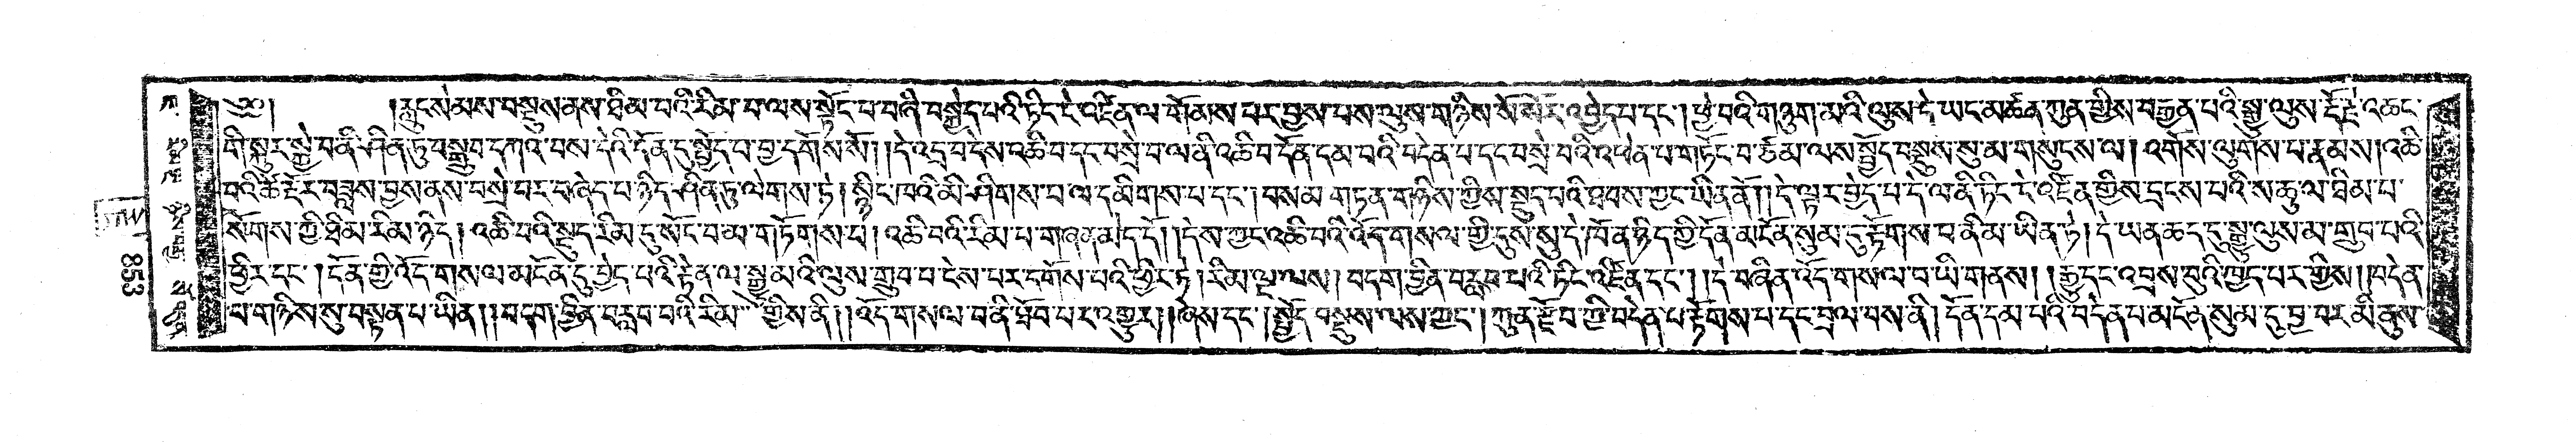༄༅། །རླུང་སེམས་བསྡུས་ནས་ཐིམ་པའི་རིམ་པ་ལས་སྟོང་པ་བཞི་བསྐྱེད་བའི་ཏིང་ངེ་འཛིན་ལ་གོམས་པར་བྱས་པས་ལུས་གཉིས་སོ་སོར་འབྱེད་པ་དང་། ཕྱེ་བའི་གཉུག་མའི་ལུས་དེ་ཡང་མཚན་ཀུན་གྱིས་བརྒྱན་པའི་སྒྱུ་ལུས་རྡོ་རྗེ་འཆང་
གི་སྐུར་སྐྱེ་བ་ནི་ཤིན་ཏུ་བསྒྲུབ་དཀའ་བས་དེའི་དོན་དུ་སྤྱོད་པ་བྱ་དགོས་སོ། །དེ་འདྲ་བ་དེས་འཆི་བ་དང་བསྲེ་བ་ལ་ནི་འཆི་བ་དོན་དམ་པའི་བདེན་པ་དང་བསྲེ་བའི་འཕེན་པ་གཏོང་བ་ཙམ་ལས་སྤྱོད་བསྡུས་སུ་མ་གསུངས་ལ། འགོས་ལུགས་པ་རྣམས། འཆི་
བའི་ཚེ་རྡོར་བཟླས་བྱས་ནས་བསྲེ་བར་བཞེད་པ་ཉིད་ཤིན་ཏུ་ལེགས་ཏེ། སྙིང་ཁའི་མི་ཤིགས་པ་ལ་དམིགས་པ་དང་། བསམ་གཏན་གཉིས་ཀྱིས་སྡུད་པའི་ཐབས་ཀྱང་ཡིན་ནོ། །དེ་ལྟར་བྱེད་པ་དེ་ལ་ནི་ཏིང་ངེ་འཛིན་གྱིས་དྲངས་པའི་ས་ཆུ་ལ་ཐིམ་པ་
སོགས་ཀྱི་ཐིམ་རིམ་ཉིད། འཆི་བའི་སྡུད་རིམ་དུ་སོང་བ་མ་གཏོགས་པ། འཆི་བའི་རིམ་པ་གཞན་མེད་དོ། །དེས་ཀྱང་འཆི་བའི་འོད་གསལ་གྱི་དུས་སུ་སྡེ་ཁོ་ན་ཉིད་ཀྱི་དོན་མངོན་སུམ་དུ་རྟོགས་པ་ནི་མ་ཡིན་ཏེ། དེ་ཡན་ཆད་དུ་སྒྱུ་ལུས་མ་གྲུབ་པའི་
ཕྱིར་དང་། དོན་གྱི་འོད་གསལ་མངོན་དུ་བྱེད་པའི་རྟེན་ལ་སྒྱུ་མའི་ལུས་གྲུབ་པ་ངེས་པར་དགོས་པའི་ཕྱིར་ཏེ། རིམ་ལྔ་ལས། བདག་བྱིན་བརླབ་པའི་ཏིང་འཛིན་དང་། །དེ་བཞིན་འོད་གསལ་བ་ཡི་གནས། །རྒྱུ་དང་འབྲས་བུའི་ཁྱད་པར་གྱིས། །བདེན་
པ་གཉིས་སུ་བསྟན་པ་ཡིན། །བདག་བྱིན་བརླབ་པའི་རིམ་གྱིས་ནི། །འོད་གསལ་བ་ནི་ཐོབ་པར་འགྱུར། །ཞེས་དང་། སྤྱོད་བསྡུས་ལས་ཀྱང་། ཀུན་རྫོབ་ཀྱི་བདེན་པ་རྟོགས་པ་དང་བྲལ་བས་ནི། དོན་དམ་པའི་བདེན་པ་མངོན་སུམ་དུ་བྱ་བར་མི་ནུས་